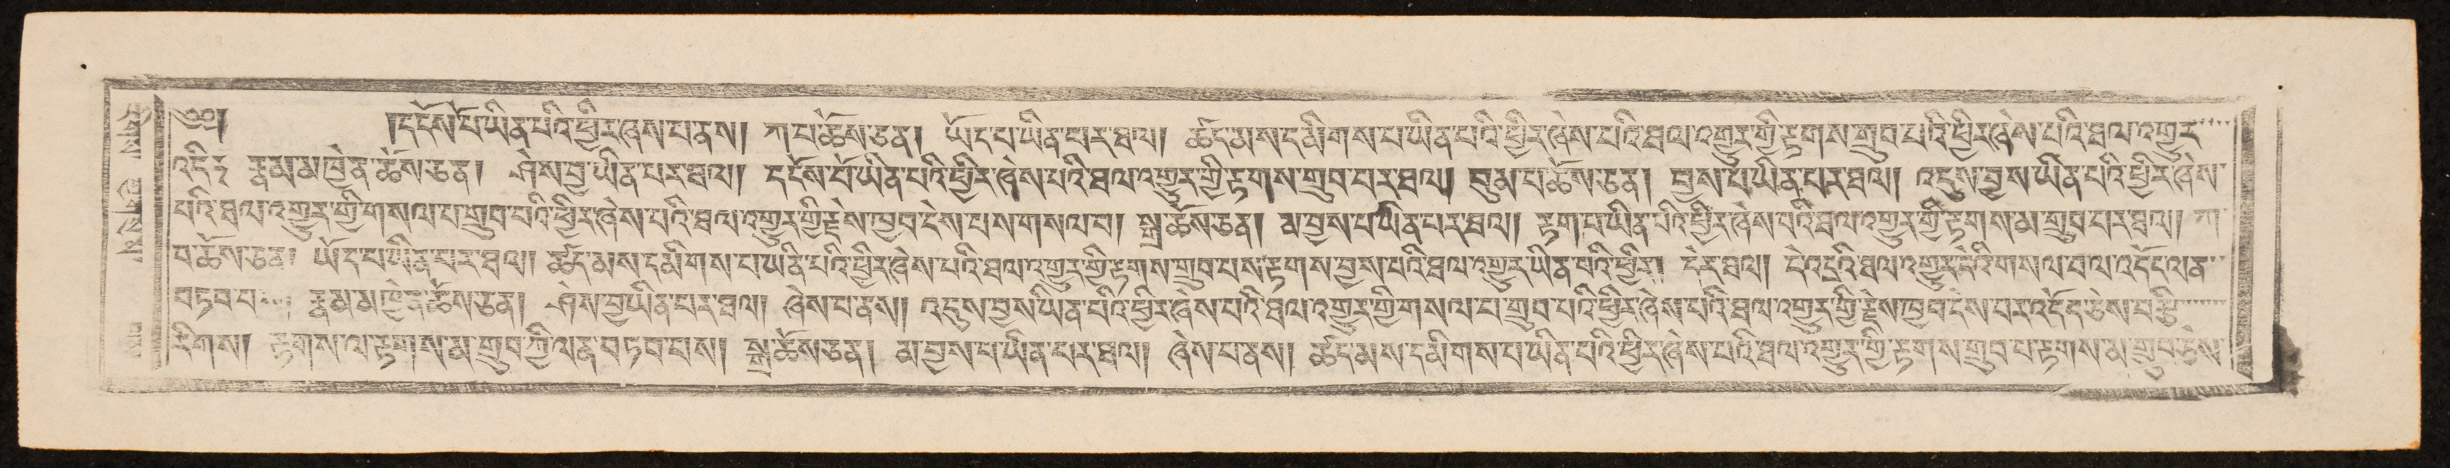༄༅། །དངོས་པོ་ཡིན་པའི་ཕྱིར་ཞེས་པ་ནས། ཀ་བ་ཆོས་ཅན། ཡོད་པ་ཡིན་པར་ཐལ། ཚད་མས་དམིགས་པ་ཡིན་པའི་ཕྱིར་ཞེས་པའི་ཐལ་འགྱུར་གྱི་རྟགས་གྲུབ་པའི་ཕྱིར་ཞེས་པའི་ཐལ་འགྱུར་
འདི། རྣམ་མཁྱེན་ཆོས་ཅན། ཤེས་བྱ་ཡིན་པར་ཐལ། དངོས་པོ་ཡིན་པའི་ཕྱིར་ཞེས་པའི་ཐལ་འགྱུར་གྱི་རྟགས་གྲུབ་པར་ཐལ། བུམ་པ་ཆོས་ཅན། བྱས་པ་ཡིན་པར་ཐལ། འདུས་བྱས་ཡིན་པའི་ཕྱིར་ཞེས་
པའི་ཐལ་འགྱུར་གྱི་གསལ་བ་གྲུབ་པའི་ཕྱིར་ཞེས་པའི་ཐལ་འགྱུར་གྱི་རྗེས་ཁྱབ་ངེས་པས་གསལ་བ། སྒྲ་ཆོས་ཅན། མ་བྱས་པ་ཡིན་པར་ཐལ། རྟག་པ་ཡིན་པའི་ཕྱིར་ཞེས་པའི་ཐལ་འགྱུར་གྱི་རྟགས་མ་གྲུབ་པར་ཐལ། ཀ་
བ་ཆོས་ཅན། ཡོད་པ་ཡིན་པར་ཐལ། ཚད་མས་དམིགས་པ་ཡིན་པའི་ཕྱིར་ཞེས་པའི་ཐལ་འགྱུར་གྱི་རྟགས་གྲུབ་པས་རྟགས་བྱས་པའི་ཐལ་འགྱུར་ཡིན་པའི་ཕྱིར། དེར་ཐལ། དེ་འདྲའི་ཐལ་འགྱུར་དེའི་གསལ་བ་ལ་འདོད་ལན་
བཏབ་པས། རྣམ་མཁྱེན་ཆོས་ཅན། ཤེས་བྱ་ཡིན་པར་ཐལ། ཞེས་པ་ནས། འདུས་བྱས་ཡིན་པའི་ཕྱིར་ཞེས་པའི་ཐལ་འགྱུར་གྱི་གསལ་བ་གྲུབ་པའི་ཕྱིར་ཞེས་པའི་ཐལ་འགྱུར་གྱི་རྗེས་ཁྱབ་ངེས་པར་འདོད་ཅེས་བརྩི་
རིགས། རྟགས་ལ་རྟགས་མ་གྲུབ་ཀྱི་ལན་བཏབ་པས། སྒྲ་ཆོས་ཅན། མ་བྱས་པ་ཡིན་པར་ཐལ། ཞེས་པ་ནས། ཚད་མས་དམིགས་པ་ཡིན་པའི་ཕྱིར་ཞེས་པའི་ཐལ་འགྱུར་གྱི་རྟགས་གྲུབ་པ་རྟགས་མ་གྲུབ་ཅེས་